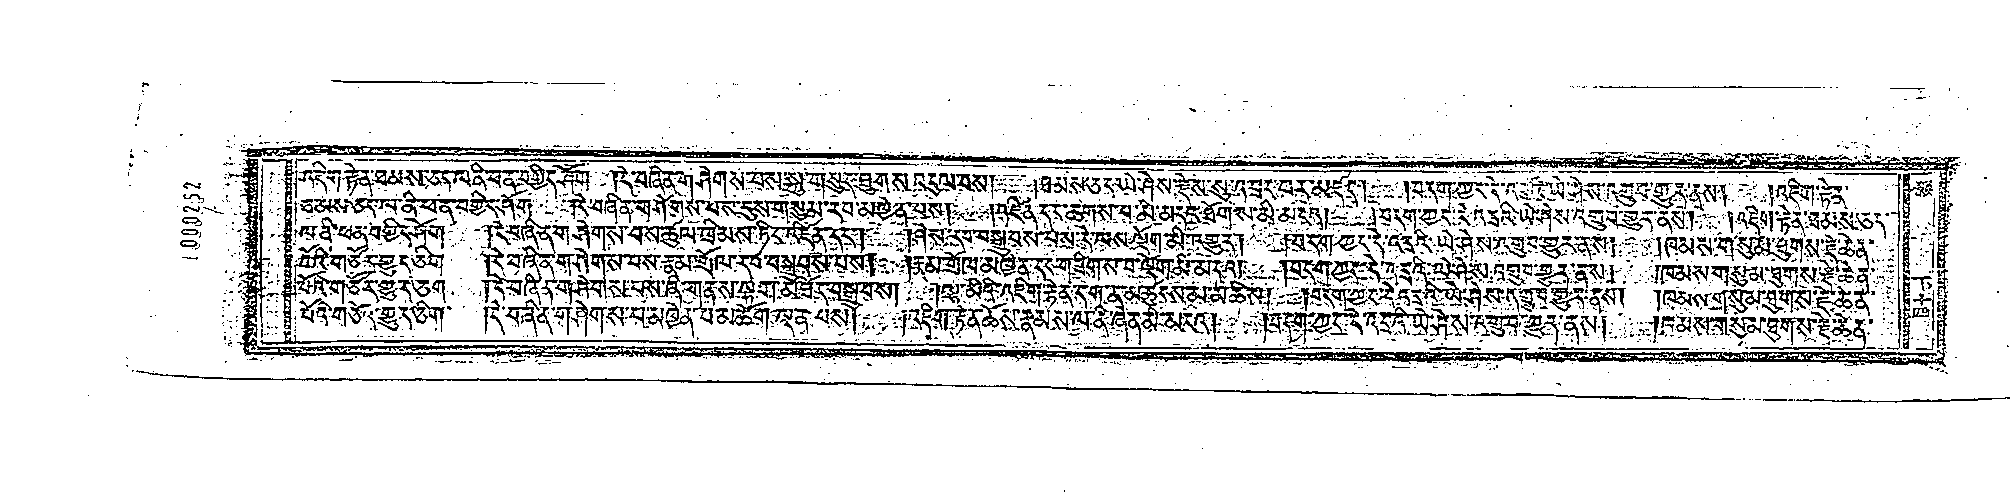འཇིག་རྟེན་ཐམས་ཅད་ལ་ནི་ཕན་བགྱིད་ཤོག །དེ་བཞིན་གཤེགས་པས་སྐུ་གསུང་ཐུགས་འདུལ་བས། །ཐམས་ཅད་ཡེ་ཤེས་རྗེས་སུ་འབྲང་བར་མཛད། །བདག་ཀྱང་དེ་འདྲའི་ཡེ་ཤེས་འགྲུབ་གྱུར་ནས། །འཇིག་རྟེན་
ཐམས་ཅད་ལ་ནི་ཕན་བགྱིད་ཤོག །དེ་བཞིན་གཤེགས་པས་དུས་གསུམ་རབ་མཁྱེན་པས། །འཛིན་དང་ཆགས་པ་མི་མདའ་ཐོགས་མི་མངའ། །བདག་ཀྱང་དེ་འདྲའི་ཡེ་ཤེས་འགྲུབ་གྱུར་ནས། །འཇིག་རྟེན་ཐམས་ཅད་
ལ་ནི་ཕན་བགྱིད་ཤོག །དེ་བཞིན་གཤེགས་པས་ཚུལ་ཁྲིམས་ཏིང་འཛིན་དང་། །ཤེས་རབ་བསྒྲུབས་པས་དེ་ལས་ལྡོག་མི་འགྱུར། །བདག་ཀྱང་དེ་འདྲའི་ཡེ་ཤེས་འགྲུབ་གྱུར་ནས། །ཁམས་གསུམ་ཐུགས་རྗེ་ཆེན་
བོའི་གཙོད་གྱུར་ཅིག །དེ་བཞིན་གཤེགས་པས་རྣམ་གྲོལ་རབ་བསྒྲུབས་པས། །རྣམ་གྲོལ་མཁྱེན་དང་གཟིགས་བ་ལྡོག་མི་མདའ། །བདག་ཀྱང་དེ་འདྲའི་ཡེ་ཤེས་འགྲུབ་གྱུར་ནས། །ཁམས་གསུམ་ཐུགས་རྗེ་ཆེན་
པོའི་གཙོར་གྱུར་ཅིག །དེ་བཞིན་གཤེགས་པས་ཞི་གནས་ལྷག་མཐོང་བསྒྲུབས། །ལྷ་མིའི་འཇིག་རྟེན་དག་ན་མཚུངས་མ་མཆིས། །བདག་ཀྱང་དེ་འདྲའི་ཡེ་ཤེས་འགྲུབ་གྱུར་ནས། །ཁམས་གསུམ་ཐུགས་རྗེ་ཆེན་
པོའི་གཙེ་འགྱུར་ཅིག །དེ་བཞིན་གཤེགས་པ་མཁྱེན་པ་མཆོག་ལྡན་པས། །འཇིག་རྟེན་ཆོས་རྣམས་ལ་ནི་ཞེན་མི་མངའ། །བདག་ཀྱང་དེ་འདྲའི་ཡེ་ཤེས་འགྲུབ་གྱུར་ནས། །ཁམས་གསུམ་ཐུགས་རྗེ་ཆེན་